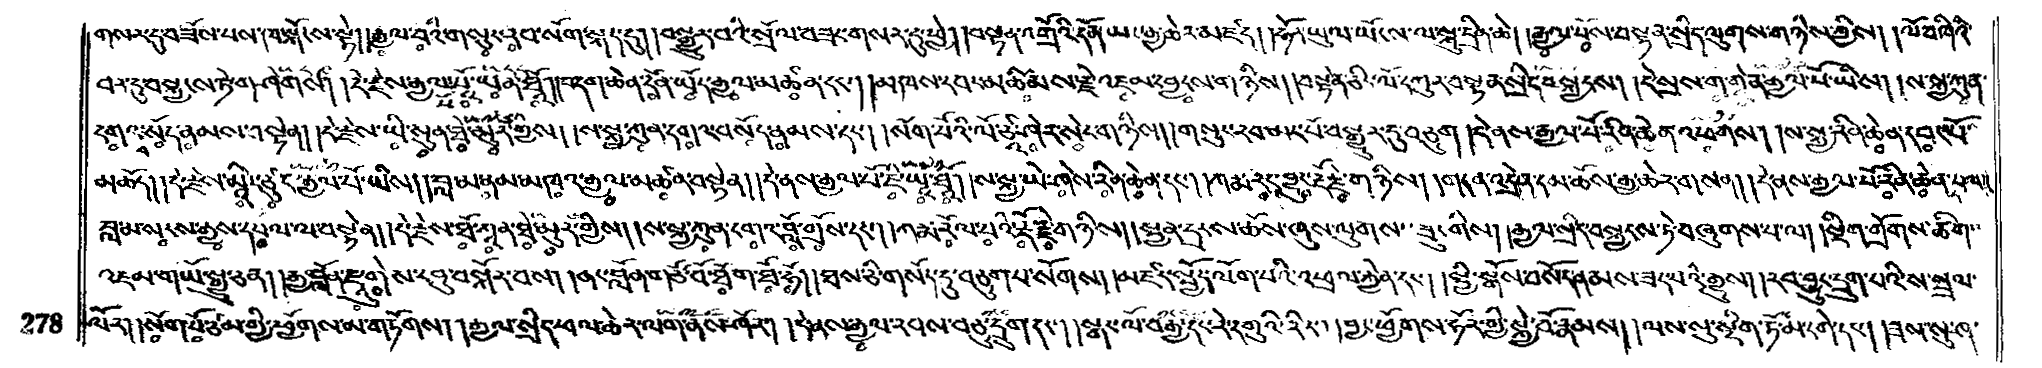གསར་དུ་བཟོས་པས་ཁ་སྐོངས་སྟེ། །རྒྱལ་བའི་གསུང་རབ་སོག་སྐད་དུ། །བསྒྱུར་བའི་སྲོལ་བཟང་གསར་དུ་ཕྱེ། །བསྟན་འགྲོའི་དོན་ཡང་རྒྱ་ཆེར་མཛད། །ཧོར་ཡུལ་ཡོངས་ལ་སྐུ་དྲིན་ཆེ། །རྒྱལ་བོས་བསྟན་སྲིད་ལུགས་གཉིས་ཀྱིས། །ལོ་བཞིའི་
བར་དུ་བསྐྱངས་ཏེ་གཤེགས། །དེ་རྗེས་རྒྱལ་པོ་པོ་ཡན་ཐO། །བདག་ཆེན་དོན་ཡོད་རྒྱལ་མཚན་དང་། །མཁས་དབང་མཚམས་རྗེ་འཇམ་དབྱངས་གཉིས། །བསྟེན་ཅིང་ལོ་དཀུར་བསྟན་སྲིད་བསྐྱངས། །དེ་སྲས་ག་འགེན་རྒྱལ་བོ་ཡིས། །ས་སྐྱ་ཀུན་
དགའ་བསོད་ནམས་བསྟེན། །དེ་རྗེས་ཡི་སུན་ཐེ་མུར་གྱིས། །ས་སྐྱ་ཀུན་དགའ་བསོད་ནམས་དང་། །སོག་པོའི་ལོ་ཙཱ་ཤེར་སེང་གཉིས། །གསུང་རབ་མང་པོ་བསྒྱུར་དུ་བཅུག །དེ་ནས་རྒྱལ་པོ་རིན་ཆེན་འཕགས། །ས་སྐྱ་རིན་ཆེན་དབང་བོ་
མཆོད། །དེ་རྗེས་མཱི་ཙུང་རྒྱལ་པོ་ཡིས། །བླ་མ་ནམ་མཁའ་རྒྱལ་མཚན་བསྟེན། །དེ་ནས་རྒྱལ་པོ་ཇི་ཡཱ་ཐO། །ས་སྐྱ་ཡེ་ཤེས་རིན་ཆེན་དང་། །ཀརྨ་རང་བྱུང་རྡོ་རྗེ་གཉིས། །གདན་འདྲེན་དམ་ཆོས་རྒྱ་ཆེར་གསན། །དེ་ནས་རྒྱལ་པོ་རིན་ཆེན་པ་ལ།།
བླ་མ་སངས་རྒྱས་དཔལ་ལ་བསྟེན། །དེ་རྗེས་ཐོ་ཀཱན་ཐེ་མུར་གྱིས། །ས་སྐྱ་ཀུན་དགའ་བློ་གྲོས་དང་། །ཀརྨ་རོལ་པའི་རྡོ་རྗེ་གཉིས། །སྤྱན་དྲངས་ཆོས་ཞུས་ལུགས་ཟུང་གིས། །རྒྱལ་སྲིད་བསྐྱངས་ཏེ་བཞུགས་པ་ལ། །སྡིག་གྲོགས་ཚིག་
འཇམ་གཡོ་སྒྱུ་ཅན། །རྒྱ་བློན་ཛཱུ་གེས་དབུ་བསྐོར་བས། །ནང་བློན་གཙོ་བོ་ཐོག་ཐོ་ཧོ། །ཐས་ཅི་གསོད་དུ་བཅུག་པ་སོགས། །མཛད་སྤྱོད་ལོག་པའི་འཕྲལ་རྐྱེན་དང་། །སྤྱི་སྒོས་བསོད་ནམས་ཟད་པའི་རྒྱུས། །རབ་བྱུང་དྲུག་པའི་ས་སྤྲལ་
ལོར། །སོག་པོ་ཙམ་གྱི་ཕྱོགས་མ་གཏོགས། །རྒྱལ་སྲིད་ཕལ་ཆེར་ལག་ནས་ཤོར། །དེ་ནས་རྒྱལ་རབས་བཅུ་དྲུག་དང་། །སྒང་ལོ་བརྒྱ་དང་རེ་དགུའི་རིང་། །བྱང་ཕྱོགས་ཧོར་གྱི་སྐྱེ་བོ་རྣམས། །ལས་སུ་སྡིག་ཏོ་མ་དགེ་དང་། །ཟས་སུ་ཤ་